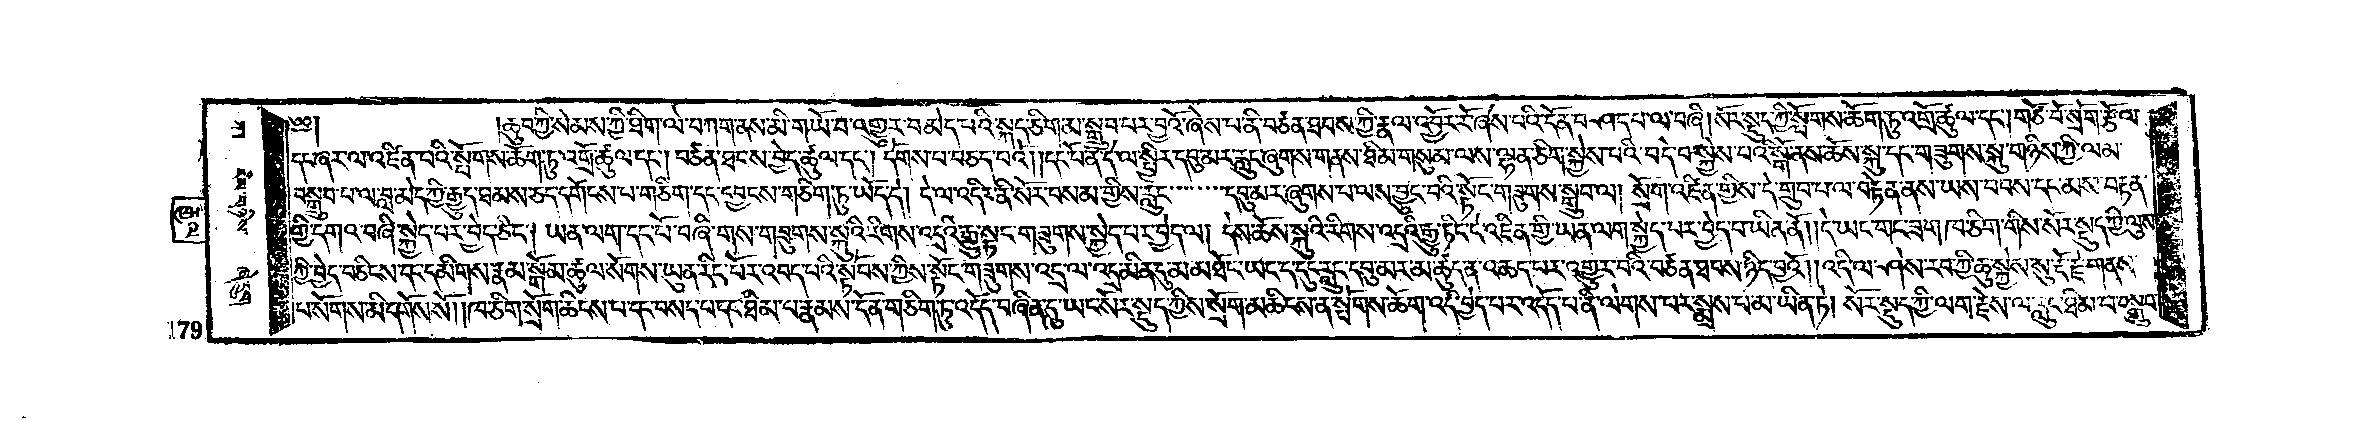༄༅། །ཆུབ་ཀྱི་སེམས་ཀྱི་ཐིག་ལེ་བཀག་ནས་མི་གཡོ་བ་འགྱུར་བ་མེད་པའི་སྐད་ཅིག་མ་སྒྲུབ་པར་བྱའོ་ཞེས་པ་ནི་བཙན་ཐབས་ཀྱི་རྣལ་འབྱོར་རོ་ཞེས་པའི་དོན་བཤད་པ་ལ་བཞི། སོར་སྡུད་ཀྱི་སྤོགས་ཆོག་ཏུ་འགྲོ་ཚུལ་དང་། གཙོ་བོ་སྲོག་རྩོལ་
དང་ཞར་ལ་འཛིན་པའི་སྤོགས་ཆོག་ཏུ་འགྲོ་ཚུལ་དང་། བཙན་ཐབས་བྱེད་ཚུལ་དང་། དོགས་པ་བཅད་པའོ། །དང་པོ་ནི་དེ་ལ་སྤྱིར་དབུ་མར་རླུང་ཞུགས་གནས་ཐིམ་གསུམ་ལས་ལྷན་ཅིག་སྐྱེས་པའི་བདེ་བ་སྐྱེས་པའི་སྒོ་ནས་ཆོས་སྐུ་དང་གཟུགས་སྐུ་གཉིས་ཀྱི་ལམ་
བསྒྲུབ་པ་ལ་བླ་མེད་ཀྱི་རྒྱུད་ཐམས་ཅད་དགོངས་པ་གཅིག་དང་དབྱངས་གཅིག་ཏུ་ཡོད་དེ། དེ་ལ་འདིར་ནི་སོར་བསམ་གྱིས་རླུང་དབུ་མར་ཞུགས་པ་ལས་བྱུང་བའི་སྟོང་གཟུགས་སྒྲུབ་ལ། སྲོག་འཛིན་གྱིས་དེ་གྲུབ་པ་ལ་བརྟེན་ནས་ཡས་བབས་དང་མས་བརྟན་
གྱི་དགའ་བཞི་སྐྱེད་པར་བྱེད་ཅིང་། ཡན་ལག་དང་པོ་བཞི་གས་གཟུགས་སྐུའི་རིགས་འདྲའི་རྒྱུ་སྟང་གཟུགས་སྐྱེད་པར་བྱེད་ལ། དེས་ཆོས་སྐུའི་རིགས་འདྲའི་རྒྱུ་ཏིང་ངེ་འཛིན་གྱི་ཡན་ལག་སྐྱེད་པར་བྱེད་པ་ཡིན་ནོ། །དེ་ཡང་གང་ཟག་ཁ་ཅིག་གིས་སོར་སྡུད་ཀྱི་ལུས་
ཀྱི་བྱེད་བཅིངས་དང་དམིགས་རྣམ་སྒོམ་ཚུལ་སོགས་ཡུན་རིང་པོར་འབད་པའི་སྟོབས་ཀྱིས་སྟོང་གཟུགས་འདྲ་ལ་འདྲ་མིན་དུ་མ་མཐོང་ཡང་ད་དུང་རླུང་དབུ་མར་མ་ཚུད་ན་འཆད་པར་འགྱུར་བའི་བཙན་ཐབས་ཉིད་བྱའོ། །འདི་ལ་ཤེས་རབ་ཀྱི་ཆུ་སྐྱེས་སུ་རྡོ་རྗེ་གནས་
པ་སོགས་མི་དགོས་སོ། །ཁ་ཅིག་སྲོག་ཆིངས་པ་དང་བསད་པ་དང་ཐིམ་པ་རྣམས་དོན་གཅིག་ཏུ་འདོད་བཞིན་དུ་ཡང་སོར་སྡུད་ཀྱིས་སྲོག་མཆིངས་ན་སྤོགས་ཆོག་འདི་བྱེད་པར་འདོད་པ་ནི་ལེགས་པར་སྨྲས་པ་མ་ཡིན་ཏེ། སོར་སྡུད་ཀྱི་ལག་རྗེས་ལ་རླུང་ཐིམ་པ་བསྒྲུབ་